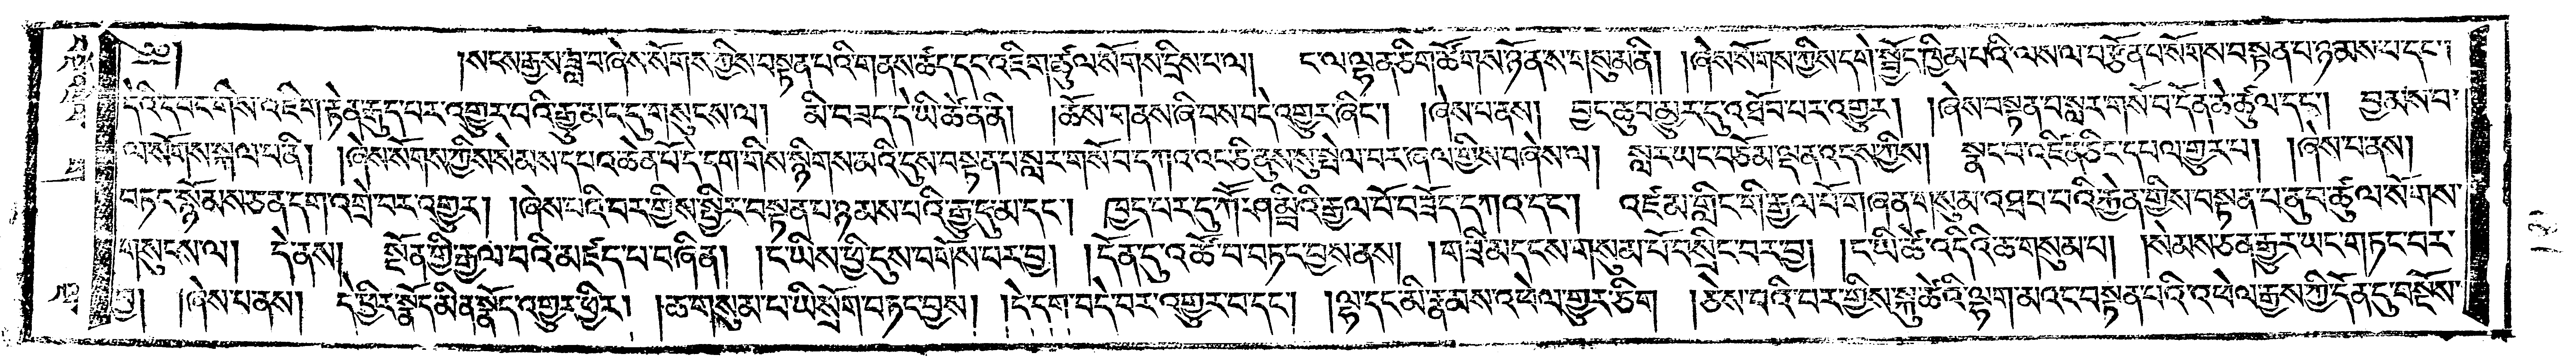༄༅། །སངས་རྒྱས་ཟླ་བ་ཞེས་སོགས་ཀྱིས་བསྟན་པའི་གནས་ཚད་དང་འཇིག་ཚུལ་སོགས་དྲིས་པ་ལ། ང་ལ་ལྷན་ཅིག་ཚོགས་ཉོན་ས?་གསུམ་ནི། །ཞེས་སོགས་ཀྱིས་དགེ་སྦྱོང་ཁྱིམ་པའི་ལས་ལ་བརྩོན་པ་སོགས་བསྟན་པ་ཉམས་པ་དང་།
དེའི་དང་གིས་འཇིག་རྟེན་རྒུད་བར་འགྱུར་བའི་རྒྱུ་མང་དུ་གསུངས་ལ། མི་བཟད་དེ་ཡི་ཚེ་ན་ནི། །ཆོས་གནས་ཞིབས་བདེ་འགྱུར་ཞིང་། །ཞེས་བ་ནས། བྱང་ཆུབ་མྱུར་དུ་འཐོབ་པར་འགྱུར། །ཞེས་བསྟན་པ་སླར་གསོ་བ་དོན་ཆེ་ཚུལ་དང་། བྱམས་པ་
ལ་སོགས་སྐལ་བ་ནི། །ཞེས་སོགས་ཀྱིས་སེམས་དབའ་ཆེན་པོ་དེ་དག་གིས་སྙིགས་མའི་དུས་བསྟན་པ་སླར་གསོ་བ་དཀའ་འང་ཅི་ནུས་སུ་སྤེལ་བར་ཞལ་གྱིས་བཞེས་ལ། སླར་ཡང་བཅོམ་ལྡན་འདས་ཀྱིས། སྣང་བ་འཛིན་ཅིང་དཔལ་གྱུར་པ། །ཞེས་པ་ནས།
བཏང་སྙོམས་ཅན་དག་འགྲེ་བར་འགྱུར། །ཞེས་པའི་བར་གྱིས་སྤྱིར་བསྟན་པ་ཉམས་པའི་རྒྱུ་དུ་མ་དང་། ཁྱད་པར་དུ་ཀཽ་ཤ་མྦིའི་རྒྱལ་པོ་བཟོད་དཀའ་དང་། འཛམ་གླིང་གི་རྒྱལ་པོ་གཞན་གསུམ་འཐབ་པའི་རྐྱེན་གྱིས་བསྟན་པ་ནུབ་ཚུལ་སོགས་
གསུངས་ལ། དེ་ནས། སྔོན་གྱི་རྒྱལ་བའི་མཛད་པ་བཞིན། །ང་ཡིས་ཕྱི་དུས་བགོས་པར་བྱ། །དོན་དུ་འཚོ་བ་བཏང་བྱས་ནས། །གཟི་མ་དངས་གསུམ་པོ་བསྲིང་བར་བྱ། །ང་ཡི་ཚེ་འདིའི་ཆ་གསུམ་པ། །སེམས་ཅན་རྒྱུར་ཡང་གཏང་བར་
བྱ། །ཞེས་པ་ནས། དེ་ཕྱིར་སྣོད་མིན་སྣོད་འགྱུར་ཕྱིར། །ཆ་གསུམ་པ་ཡི་སྲོག་བཏང་བྱས། །དེ་དག་བདེ་བར་འགྱུར་བ་དང་། ལྷ་དང་མི་རྣམས་འཕེལ་གྱུར་ཅིག །ཅེས་པའི་བར་གྱིས་སྐུ་ཚེའི་ལྷག་མའང་བསྟན་པའི་འཕེལ་རྒྱས་ཀྱི་དོན་དུ་བསྔོས་